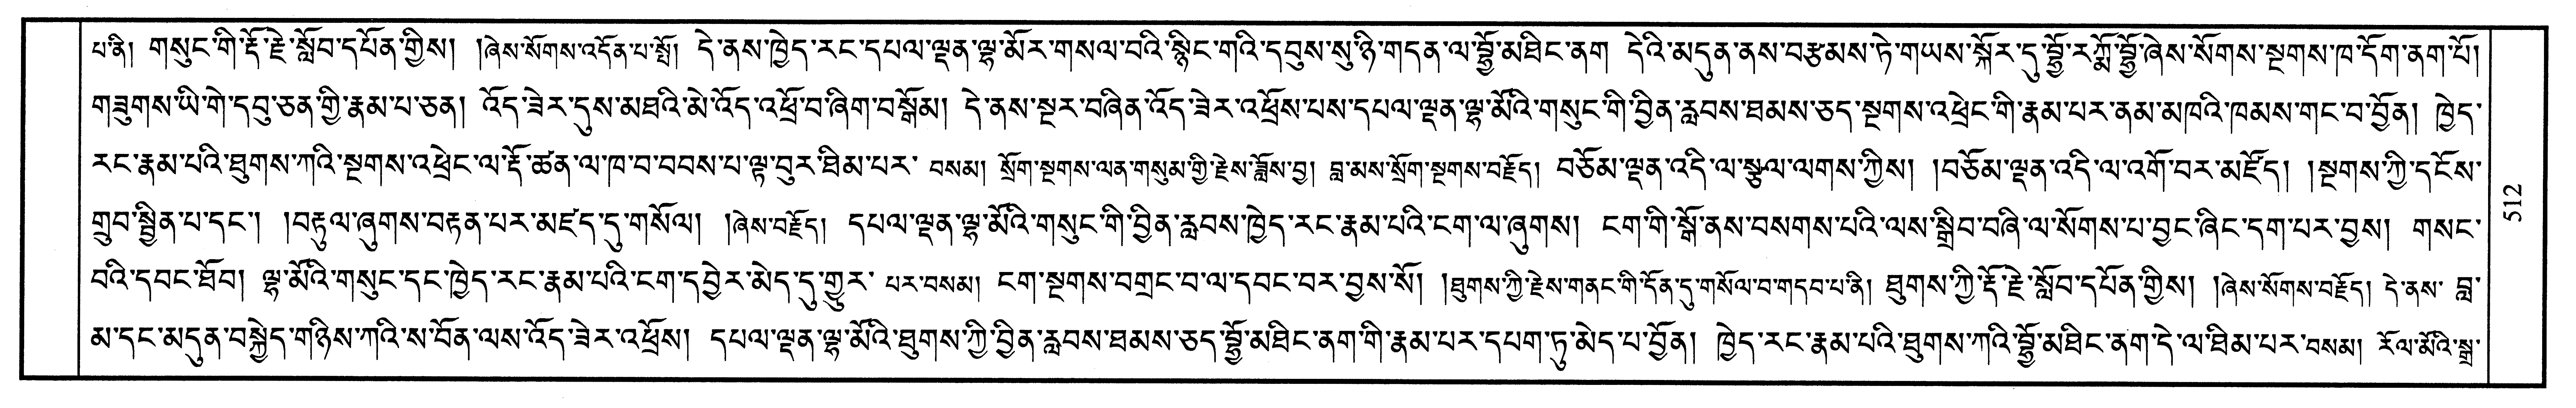པ་ནི། གསུང་གི་རྡོ་རྗེ་སློབ་དཔོན་གྱིས། །ཞེས་སོགས་འདོན་པ་སྤོ། དེ་ནས་ཁྱེད་རང་དཔལ་ལྡན་ལྷ་མོར་གསལ་བའི་སྙིང་གའི་དབུས་སུ་ཉི་གདན་ལ་བྷྱོ་མཐིང་ནག་དེའི་མདུན་ནས་བརྩམས་ཏེ་གཡས་སྐོར་དུ་བྷྱོ་རཀྨོ་བྷྱོ་ཞེས་སོགས་སྔགས་ཁ་དོག་ནག་པོ།
གཟུགས་ཡི་གེ་དབུ་ཅན་གྱི་རྣམ་པ་ཅན། འོད་ཟེར་དུས་མཐའི་མེ་འོད་འཕྲོ་བ་ཞིག་བསྒོམ། དེ་ནས་སྔར་བཞིན་འོད་ཟེར་འཕྲོས་པས་དཔལ་ལྡན་ལྷ་མོའི་གསུང་གི་བྱིན་རླབས་ཐམས་ཅད་སྔགས་འཕྲེང་གི་རྣམ་པར་ནམ་མཁའི་ཁམས་གང་བ་བྱོན། ཁྱེད་
རང་རྣམ་པའི་ཐུགས་ཀའི་སྔགས་འཕྲེང་ལ་རྡོ་ཚན་ལ་ཁ་བ་བབས་པ་ལྟ་བུར་ཐིམ་པར་བསམ། སྲོག་སྔགས་ལན་གསུམ་གྱི་རྗེས་ཟློས་བྱ། བླ་མས་སྲོག་སྔགས་བརྗོད། བཅོམ་ལྡན་འདི་ལ་སྩལ་ལགས་ཀྱིས། །བཅོམ་ལྡན་འདི་ལ་འགོ་བར་མཛོད། །སྔགས་ཀྱི་དངོས་
གྲུབ་སྦྱིན་པ་དང་། །བརྟུལ་ཞུགས་བརྟན་པར་མཛད་དུ་གསོལ། །ཞེས་བརྗོད། དཔལ་ལྡན་ལྷ་མོའི་གསུང་གི་བྱིན་རླབས་ཁྱེད་རང་རྣམ་པའི་ངག་ལ་ཞུགས། ངག་གི་སྒོ་ནས་བསགས་པའི་ལས་སྒྲིབ་བཞི་ལ་སོགས་པ་བྱང་ཞིང་དག་པར་བྱས། གསང་
བའི་དབང་ཐོབ། ལྷ་མོའི་གསུང་དང་ཁྱེད་རང་རྣམ་པའི་ངག་དབྱེར་མེད་དུ་གྱུར་པར་བསམ། ངག་སྔགས་བགྲང་བ་ལ་དབང་བར་བྱས་སོ། །ཐུགས་ཀྱི་རྗེས་གནང་གི་དོན་དུ་གསོལ་བ་གདབ་པ་ནི། ཐུགས་ཀྱི་རྡོ་རྗེ་སློབ་དཔོན་གྱིས། །ཞེས་སོགས་བརྗོད། དེ་ནས་བླ་
མ་དང་མདུན་བསྐྱེད་གཉིས་ཀའི་ས་བོན་ལས་འོད་ཟེར་འཕྲོས། དཔལ་ལྡན་ལྷ་མོའི་ཐུགས་ཀྱི་བྱིན་རླབས་ཐམས་ཅད་བྷྱོ་མཐིང་ནག་གི་རྣམ་པར་དཔག་ཏུ་མེད་པ་བྱོན། ཁྱེད་རང་རྣམ་པའི་ཐུགས་ཀའི་བྷྱོ་མཐིང་ནག་དེ་ལ་ཐིམ་པར་བསམ། རོལ་མོའི་སྒྲ་